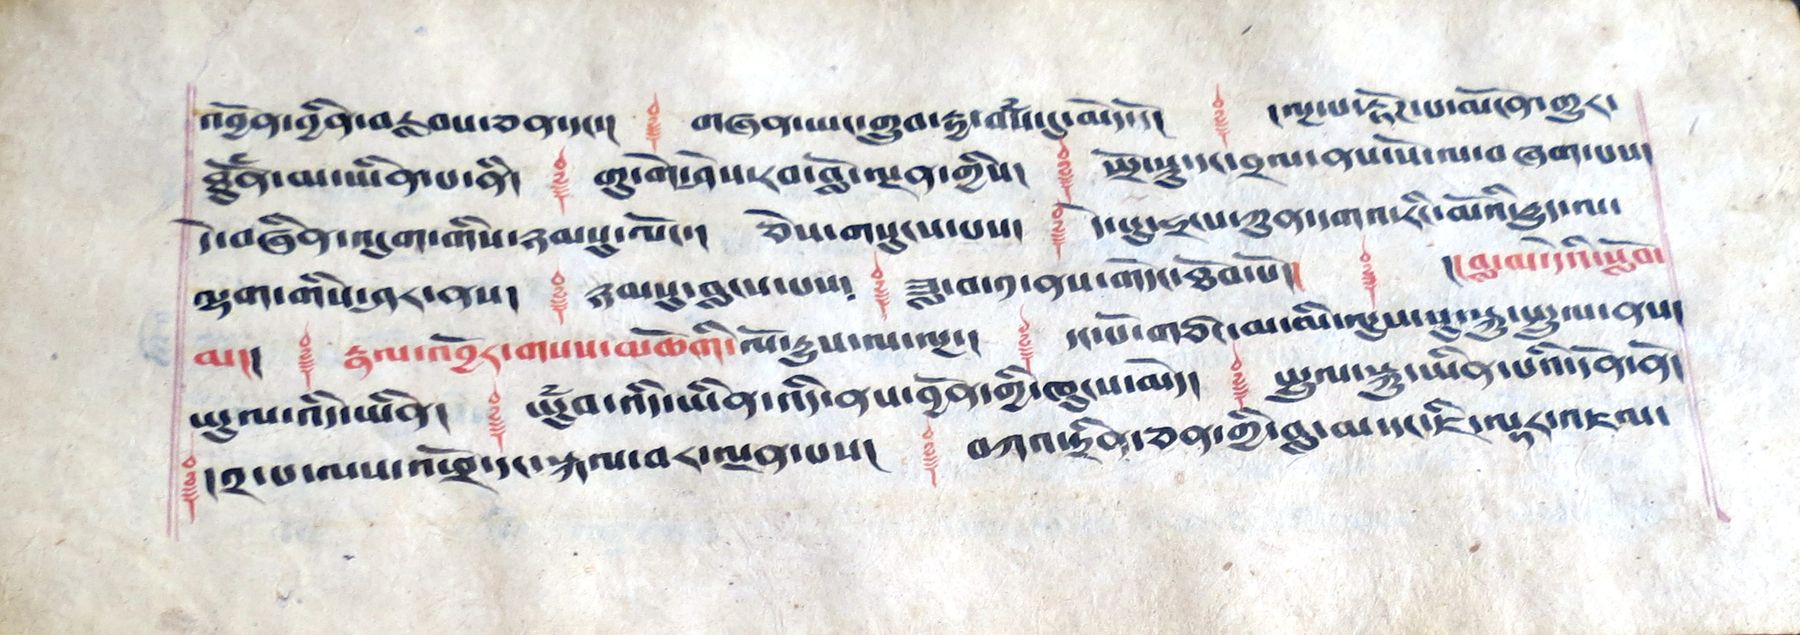བྱོན་བྱིན་རླབས་ཅན་དང་། གཞན་ཡང་གྲུབ་རྟགས་བསམ་དུ་མེད་དོ། ། ལྔ་པ་རྟོགས་པ་མངོན་གྱུར་
ཐུན་མོང་མ་ཡིན་པ་ནི། གུ་གེ་ཤེས་རབ་བློ་ལྡན་གྱིས་སྤྲོ་བསྡུ་དང་བྲལ་ནས། རང་སོ་ལ་བཞག་པས། 
དེ་བཞིན་འདུག་གི་ཉམས་སུ་ལོངས། ཞེས་གསུངས་པས། དེ་པུ་ཧྲང་ཀུན་དགའ་རིང་མོའི་རྒྱུད་ལ་
ལྷག་གི་ཤར་ནས། ཉམས་སུ་བླངས་པས་ཟླ་བ་གཅིག་ནས་གདེང་ཐོབ་བོ། ། བླ་མ་དེའི་སློབ་
མ་ནི། རྣལ་འབྱོར་གསས་མཆོག་གི་ལོ་རྒྱུས་ལ་ལྔ། དང་པོ་གཙང་མ་མི་ལུས་སུ་སྐུ་སྤྲུལ་ནས། 
ཡུལ་འདི་ཡིན་ཡབ་ཡུམ་འདི་ཡིན་འདི་ནས་བྱོན་གྱི་ཁུངས་མེད་སྤྲུལ་སྐུ་ཡིན་པའི་དོན་ནོ། 
། གཉིས་པ་ལས་འཕྲོ་དང་སྐལ་པར་ལྡན་པས། བཀའ་དྲིན་ཅན་གྱི་བླ་མ་དང་ཇི་ལྟར་མཇལ་